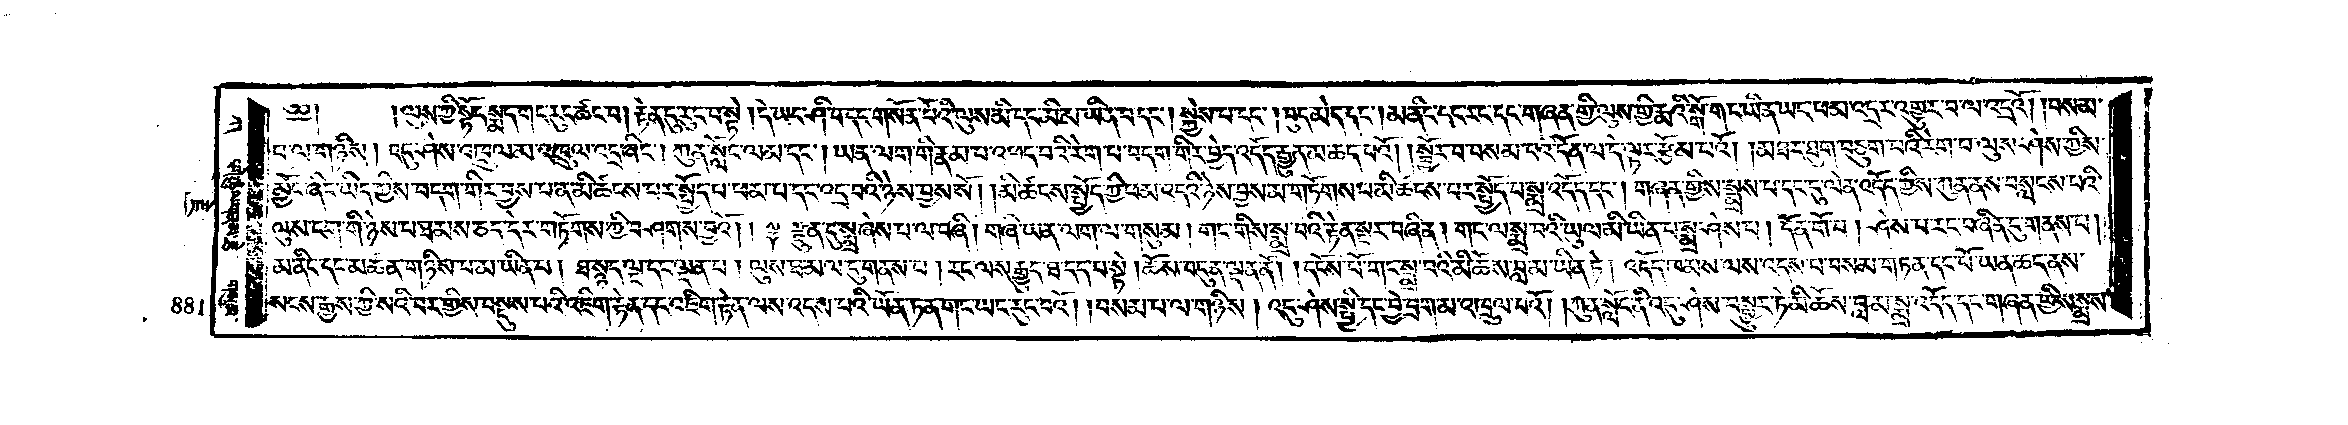༄༅། །ལུས་ཀྱི་སྟོང་སྨད་གང་རུང་ཚང་བ། རྟེན་དུ་རུང་བ་སྟེ། དེ་ཡང་ཤི་བ་དང་གསོན་པོའི་ལུས་མི་དང་མི་མ་ཡིན་པ་དང་། སྐྱེས་པ་དང་། བུད་མེད་དང་། མ་ནིང་དང་རང་དང་གཞན་གྱི་ལུས་གྱི་རྨའི་སྒོ་གང་ཡིན་ཡང་ཕམ་འདྲར་འགྱུར་བ་ལ་འདྲའོ། །བསམ་
པ་ལ་གཉིས། འདུ་ཤེས་འཁྲུལ་མ་འཁྲུལ་འདྲ་ཞིང་། ཀུན་སློང་ལམ་དང་། ཡན་ལག་གི་རྣམ་པ་འཕད་པའི་རེག་པ་བདག་གིར་བྱེད་འདོད་རྒྱུན་མ་ཆད་པའོ། །སྦྱོར་བ་བསམ་པའི་དོན་ལ་དེ་ལྟར་རྩོམ་པའོ། །མཐར་ཐུག་བཅུག་པའི་རེག་པ་ལུས་ཤེས་ཀྱིས་
མྱོང་ཞིང་ཡིད་ཀྱིས་བདག་གིར་བྱས་པ་ན་མི་ཚངས་པར་སྤྱོད་པ་ཕམ་པ་དང་འདྲ་བའི་ཉེས་བྱས་སོ། །མི་ཚངས་སྤྱོད་ཀྱི་ཕམ་འདྲའི་ཉེས་བྱས་མ་གཏོགས་པ་མི་ཚངས་པར་སྤྱོད་པ་སྨྲ་འདོད་དང་། གཞན་གྱིས་སྨྲས་པ་དང་དུ་ལེན་འདོད་ཀྱིས་ཀུན་ནས་བསླངས་པའི་
ལུས་ངག་གི་ཉེས་པ་ཐམས་ཅད་དེར་གཏོགས་ཀྱི་བཤགས་བྱའོ། ། ༈ རྫུན་དུ་སྨྲ་ཞེས་པ་ལ་བཞི། གཞི་ཡན་ལག་ལ་གསུམ། གང་གིས་སྨྲ་བའི་རྟེན་སྔར་བཞིན། གང་ལ་སྨྲ་བའི་ཡུལ་མི་ཡིན་པ་སྨྲ་ཤེས་པ། དོན་གོ་བ། ཤེས་པ་རང་བཞིན་དུ་གནས་པ།
མ་ནིང་དང་མཚན་གཉིས་པ་མ་ཡིན་པ། ཐ་སྙད་ལྔ་དང་ལྡན་པ། ལུས་ཐ་མལ་དུ་གནས་པ། རང་ལས་རྒྱུད་ཐ་དད་པ་སྟེ། ཆོས་བདུན་ལྡན་ནོ། །དངོས་པོ་གང་སྨྲ་བའི་མི་ཆོས་བླ་མ་ཡིན་ཏེ། འདོད་ཁམས་ལས་འདས་པ་བསམ་གཏན་དང་པོ་ཡན་ཆད་ནས་
སངས་རྒྱས་ཀྱི་སའི་བར་གྱིས་བསྡུས་པའི་འཇིག་རྟེན་དང་འཇིག་རྟེན་ལས་འདས་པའི་ཡོན་ཏན་གང་ཡང་རུང་བའོ། །བསམ་པ་ལ་གཉིས། འདུ་ཤེས་སྤྱི་དང་བྱེ་བྲག་མ་འཁྲུལ་པའོ། །ཀུན་སློང་ནི་འདུ་ཤེས་བསྒྱུར་ཏེ་མི་ཆོས་བླ་མ་སྨྲ་འདོད་དང་གཞན་གྱིས་སྨྲས་